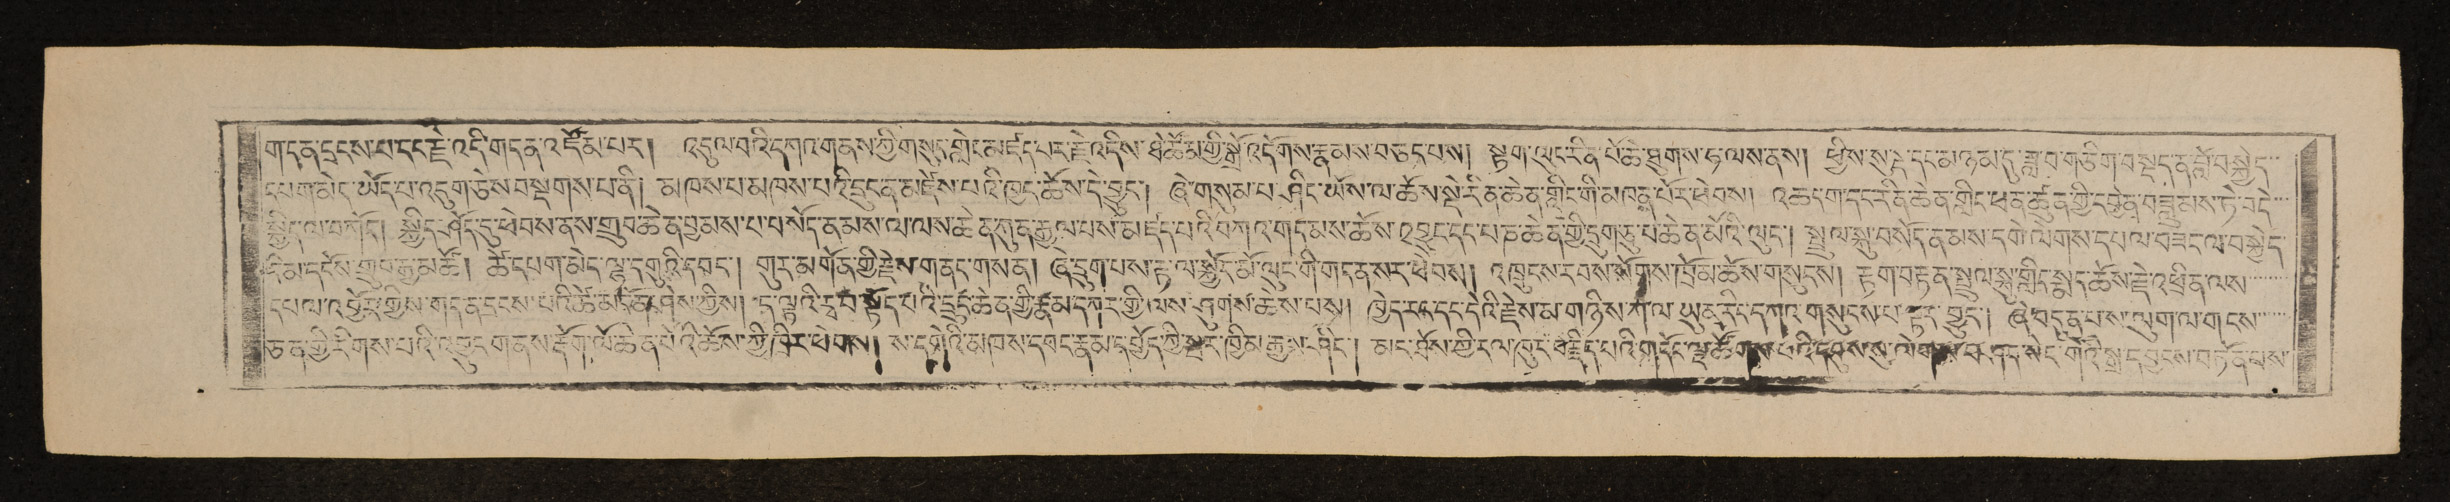གདན་དྲངས་པ་དང་རྗེ་འདི་གདན་འཛོམ་པར། འདུལ་བའི་དཀའ་གནས་ཀྱི་གསུང་གླེང་མཛད་བར་རྗེ་འདིས་ཐེ་ཚོམ་གྱི་སྒྲོ་འདོགས་རྣམས་བཅད་པས། སྟག་ལུང་རིན་པོ་ཆེ་ཐུགས་ཧ་ལས་ནས། ཕྱིས་སུ་དེ་དང་མཉམ་དུ་ཟླ་བ་གཅིག་བསྡད་ན་བློ་བསྐྱེད་
དཔག་མེད་ཡོད་པ་འདུག་ཅེས་བསྔགས་པ་ནི། མཁས་པ་མཁས་པའི་དྲུང་ན་མཛེས་པའི་ཁྱད་ཆོས་དེ་བྱུང་། ཞེ་གསུམ་པ་ཤིང་ཡོས་ལ་ཆོས་སྡེ་རིན་ཆེན་གླིང་གི་མཁན་པོར་ཕེབས། འཆད་ཀ་དང་རིན་ཆེན་གླིང་ཕན་ཚུན་གྱི་དབྱེན་བཟླུམས་ཏེ་བདེ་
སྐྱིད་ལ་བཀོད། སྐྱིད་ཤིང་དུ་ཕེབས་ནས་གྲུབ་ཆེན་བྱམས་པས་བསོད་ནམས་ལ་ལས་ཆེན་ཀུན་རྒྱལ་བས་མཛད་པའི་བཀའ་གདམས་ཆོས་འབྱུང་དང་པཎ་ཆེན་གྱི་དྲུག་ཅུ་པ་ཆེན་པོའི་ལུང་། སྤྲུལ་སྐུ་བསོད་ནམས་དགེ་ལེགས་དཔལ་བཟང་ལ་བསྐྱེད་
རིམ་དངོས་གྲུབ་རྒྱ་མཚོ། ཚེ་དཔག་མེད་ལྷ་དགུའི་དབང་། གུར་མགོན་གྱི་རྗེས་གནང་གསན། ཞེ་དྲུག་པས་རྟ་ལ་སྐྱོར་མོ་ལུང་གི་གདན་སར་ཕེབས། འཁྲུངས་རབས་སོགས་ཁྲོ་མཆོས་གསུངས། རྟག་བརྟན་སྤྲུལ་སྐུ་གླིང་སྨད་ཆོས་རྗེ་འཕྲིན་ལས་
དཔལ་འབྱོར་གྱིས་གདན་དྲངས་བའི་ཚེ་མངོན་ཤེས་ཀྱིས། ད་ལྟའི་རྭ་བ་སྟོད་བའི་དྲུང་ཆེན་གྱི་རྣམ་དཀར་གྱི་ལས་ཤུགས་ཆེས་པས། ཁྱེད་རང་དང་དེའི་རྗེས་མ་གཉིས་ཀ་ལ་ཡུན་རིང་དཀའ་གསུངས་པ་ལྟར་བྱུང་། ཞེ་བདུན་པ་ས་ལུག་ལ་གང་བ་
ཅན་གྱི་རིགས་པའི་འབྱུང་གནས་རྡོག་ལོ་ཆེན་པོའི་ཆོས་ཀྱི་ཁྲིར་ཕེབས། ས་དགེའི་མཁས་དབང་རྣམ་དཔྱོད་ཀྱི་སྤར་ཁྱིམ་རྒྱས་ཤིང་། མང་ཐོས་ཀྱི་རལ་ཁུར་བརྗིད་པའི་གདོང་ལྔ་ཚོགས་པའི་དབུས་སུ་ལེགས་བཤད་སེང་གེའི་སྒྲ་དབྱངས་བཏོན་པས་